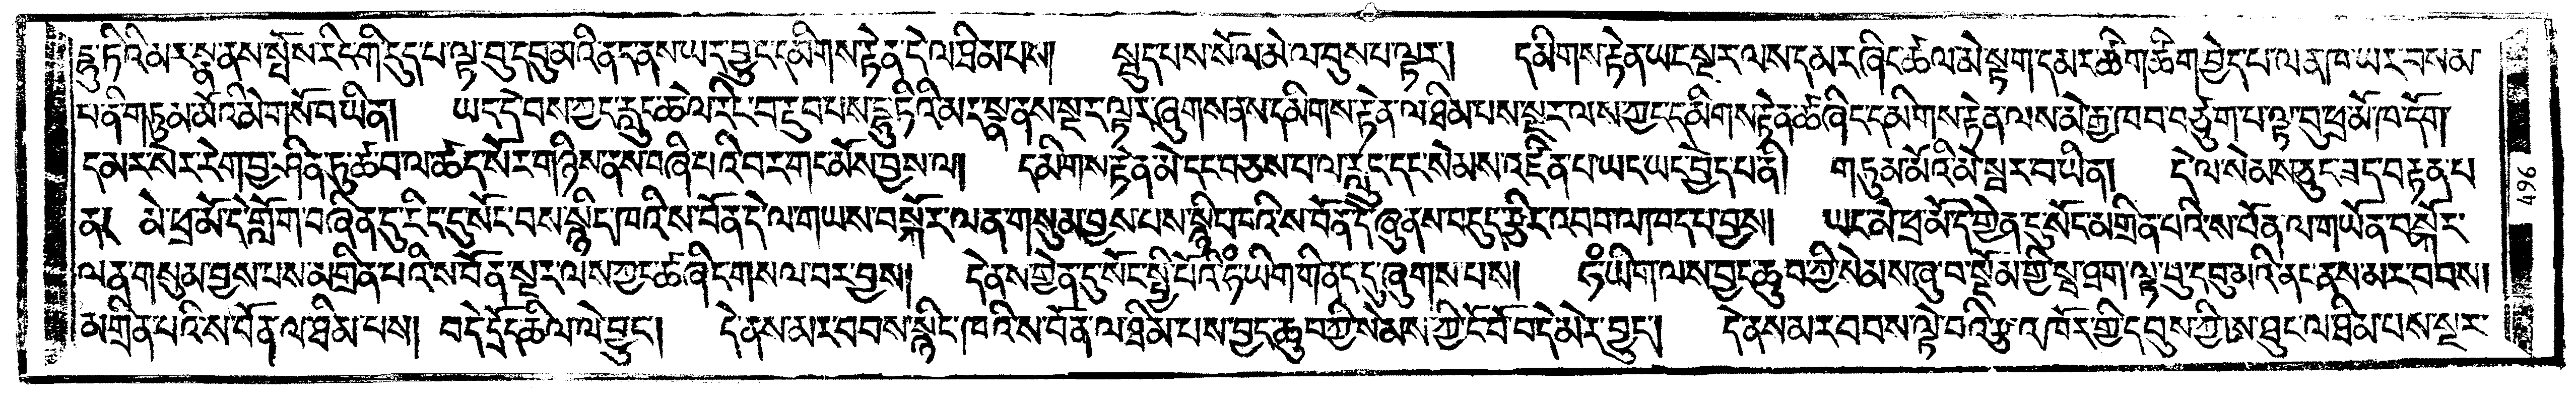དྷུ་ཏིའི་མར་སྣ་ནས་སྤོས་རིང་གི་དུད་པ་ལྟ་བུ་དབུ་མའི་ནང་ནས་ཡར་བྱུང་དམིགས་རྟེན་དེ་ལ་ཐིམ་པས། སྤུད་པས་སོལ་མེ་ལ་བུས་པ་ལྟར། དམིགས་རྟེན་ཡང་སྔར་ལས་དམར་ཞིང་ཚལ་མེ་སྟག་དམར་ཚིག་ཚིག་བྱེད་པ་ལན་ཁ་ཡར་བསམ་
པ་ནི་གཏུམ་མོའི་མེ་གསོབ་ཡིན། ཡང་དེ་བས་ཀྱང་རླུང་ཆེ་ལ་རིང་བ་རྡུབ་པས་དྷུ་ཏིའི་མར་སྣ་ནས་སྔར་ལྟར་ཞུགས་ནས་དམིགས་རྟེན་ལ་ཐིམ་པས་སྔར་ལས་ཀྱང་དམིགས་རྟེན་ཚ་ཞིང་དམིགས་རྟེན་ལས་མེ་རྒྱ་ཁབ་བཙུག་པ་ལྟ་བུ་ཕྲ་མོ་ཁ་དོག་
དམར་སེར་རེག་བྱ་ཤིན་ཏུ་ཚ་བ་ལ་ཚད་སོར་གཉིས་ནས་བཞི་པའི་བར་གང་མོས་བྱས་ལ། དམིགས་རྟེན་མེ་དང་བཅས་པ་ལ་རླུང་དང་སེམས་འཛིན་པ་ཡང་ཡང་བྱེད་པ་ནི། གཏུམ་མོའི་མེ་སྦར་བ་ཡིན། དེ་ལ་སེམས་ཅུང་ཟད་བརྟན་པ་
ན༑ མེ་ཕྲ་མོ་དེ་གློག་བཞིན་དུ་རིང་དུ་སོང་བས་སྙིང་ཁའི་ས་བོན་དེ་ལ་གཡས་བསྐོར་ལན་གསུམ་བྱས་པས་སྙིང་ཁའི་ས་བོན་དེ་ཞུ་ནས་བདུད་རྩིར་འབབ་ལ་ཁད་པ་བྱས། ཡང་མེ་ཕྲ་མོ་དེ་གྱེན་དུ་སོང་མགྲིན་པའི་ས་བོན་ལ་གཡོན་བསྐོར་
ལན་གསུམ་བྱས་པས་མགྲིན་པའི་ས་བོན་སྔར་ལས་ཀྱང་ཚ་ཞིང་གསལ་བར་བྱས། དེ་ནས་གྱེན་དུ་སོང་སྤྱི་པོའི་ཧཾ་ཡིག་གི་ནང་དུ་ཞུགས་པས། ཧཾ་ཡིག་ལས་བྱང་ཆུབ་ཀྱི་སེམས་ཞུ་བ་སྡོམ་གྱི་སྦ་ཐག་ལྟ་བུ་དབུ་མའི་ནང་ནས་མར་བབས།
མགྲིན་པའི་ས་བོན་ལ་ཐིམ་པས། བདེ་དྲོད་ཆིལ་ལེ་བྱུང་། དེ་ནས་མར་བབས་སྙིང་ཁའི་ས་བོན་ལ་ཐིམ་པས་བྱང་ཆུབ་ཀྱི་སེམས་ཀྱི་ངོ་བོ་བདེ་མེར་བྱུང་། དེ་ནས་མར་བབས་ལྟེ་བའི་རྩ་འཁོར་གྱི་དབུས་ཀྱི་ཨ་ཐུང་ལ་ཐིམ་པས་སྔར་